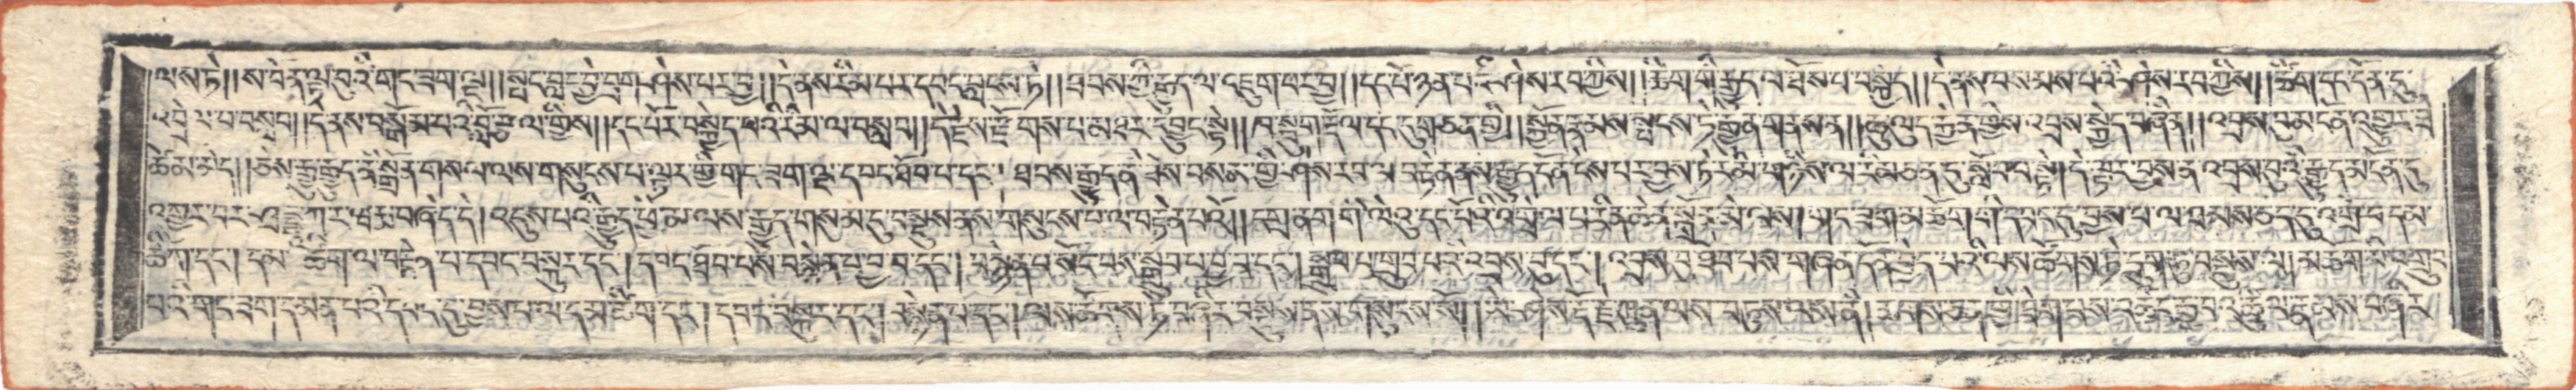ལས་ཏེ། །ས་བོན་ལྟ་བུའི་གང་ཟག་ལྔ། །སྤང་བླང་བྱེ་བྲག་ཤེས་པར་བྱ། །དེ་ནས་རིམ་པར་དབང་བླངས་ཏེ། །ཐབས་ཀྱི་རྒྱུད་ལ་འཇུག་པར་བྱ། །དང་པོ་ཉན་པའི་ཤེས་རབ་ཀྱིས། །ཚིག་གི་རྒྱུད་ལ་ཐོས་པ་བསྐྱེད། །དེ་ནས་བསམས་པའི་ཤེས་རབ་ཀྱིས། །ཚིག་དང་དོན་དུ་
འབྲེལ་བ་བསླབ། །དེ་ནས་བསྒོམ་པའི་བློ་རྩལ་གྱིས། །དང་པོར་བསྐྱེད་པའི་རིམ་ལ་བསླབ། །དེ་རྗེས་རྫོགས་པ་མཐར་དབྱུང་སྟེ། །ཁ་སྦུག་རྡོལ་དང་དུག་ཅན་གྱི། །སྐྱོན་རྣམས་སྤངས་ཏེ་རྒྱུན་གནས་ན། །ཆུ་ལུད་རྐྱེན་གྱིས་འབྲས་སྐྱེད་བཞིན། །འབྲས་བུ་མངོན་འགྱུར་ཐེ་
ཚོམ་མེད། །ཅེས་རྒྱུ་རྒྱུད་ནི་སྒྲོན་གསལ་ལས་གསུངས་པ་ལྟར་གྱི་གང་ཟག་ལྔ་དབང་ཐོབ་པ་དང་། ཐབས་རྒྱུད་ནི་ཐོས་བསམ་གྱི་ཤེས་རབ་ལ་བརྟེན་ནས་རྒྱུད་དོན་ངེས་པར་བྱས་ཏེ་རིམ་གཉིས་ལ་རིམ་ཅན་དུ་སློབ་པ་སྟེ། དེ་ལྟར་བྱས་ན་འབྲས་བུའི་རྒྱུད་མངོན་དུ་
འགྱུར་བར་ཤྲདྷཱ་?་ཀ་ར་ཝརྨ་བཞེད་དེ། འདུས་པའི་རྒྱུད་ཕྱི་མ་ལས་རྒྱུད་གསུམ་དུ་བསྡུས་ནས་གསུངས་པ་ལ་བརྟེན་པའོ། །དགྲ་ནག་གི་ལེའུ་དང་པོའི་འགྲེལ་པ་རིན་ཆེན་སྒྲོན་མེ་ལས། གང་ཟག་མཆོག་གི་དབང་དུ་བྱས་པ་ལ་ཐམས་ཅད་དུ་འགྲོ་བ་དམ་
ཚིག་དང་། དམ་ཚིག་ལ་བརྟེན་པ་དབང་བསྐུར་དང་། དབང་ཐོབ་པས་བསྙེན་པ་བྱ་བ་དང་། བསྙེན་པ་སོང་བས་སྒྲུབ་པ་བྱ་བ་དང་། སྒྲུབ་པ་གྲུབ་པའི་འབྲས་བུ་དང་། འབྲས་བུ་ཐོབ་པས་གཞན་དོན བྱེད་པའི་ལས་ཚོགས་ཏེ་དྲུག་ཏུ་བསྡུས་ལ། མཆོག་མི་འགྲུབ་
པའི་གང་ཟག་དམན་པའི་དབང་དུ་བྱས་པ་ལ་དམ་ཚིག་དང་། དབང་བསྐུར་དང་། བསྙེན་པ་དང་། ལས་ཚོགས་ཏེ་བཞིར་བསྡུས་ནས་གསུངས་སྶོ། །ཡེ་ཤེས་རྡོ་རྗེ་ཀུན་ལས་ནི། ཆགས་ཅན་གྱི་ཐེག་པས་འཚང་རྒྱ་བའི་ཚུལ་རྣམས་བཞིར་